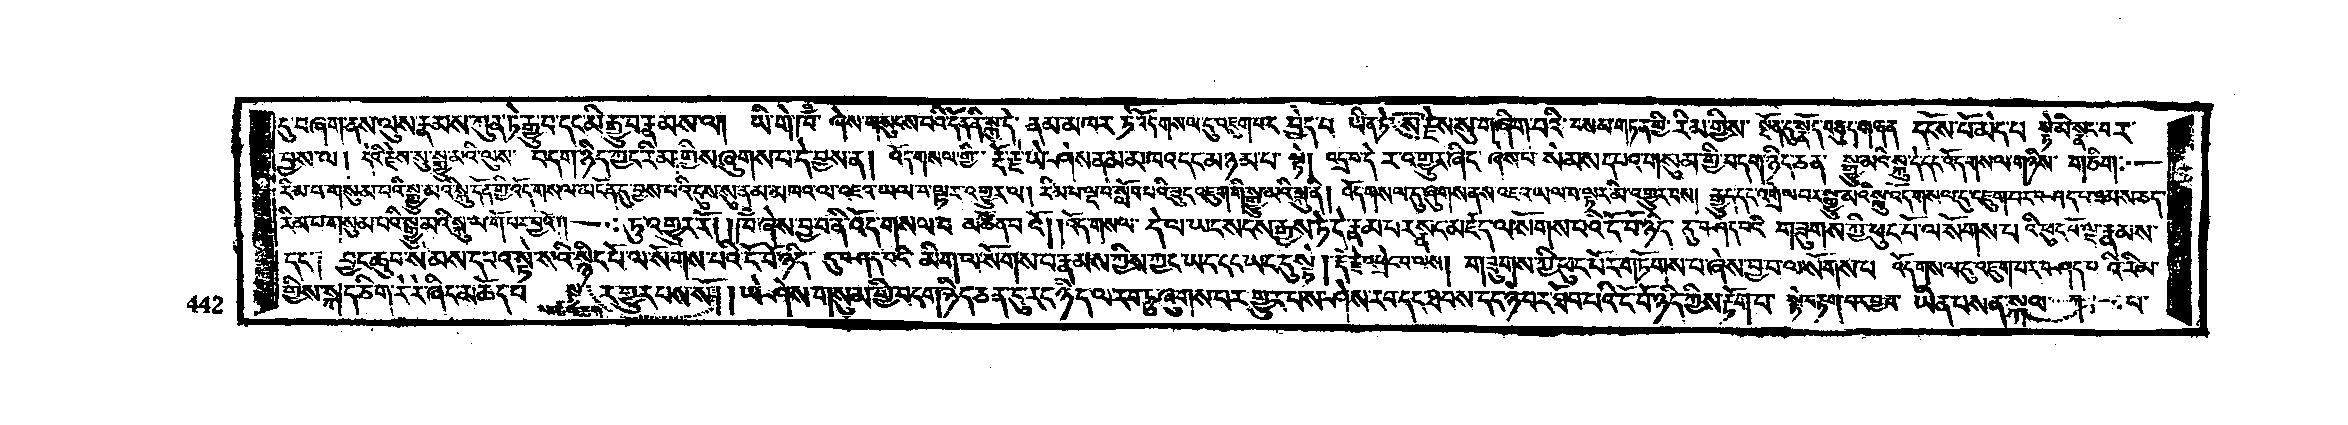དུ་བཞག་ནས་ལུས་རྣམས་ཀུན་ཏེ་རྒྱུ་བ་དང་མི་རྒྱུ་བ་རྣམས་ལ། ཡི་གེ་ཁཾ་ཞེས་གསུངས་པའི་དོན་ནི་སྐུ་དེ་ནམ་མཁར་ཏེ་འོད་གསལ་དུ་འཇུག་པར་བྱེད་པ་ཡིན་ཏེ་ས་རྗེས་སུ་གཞིག་པའི་བསམ་གཏན་གྱི་རིམ་གྱིས་སྔོན་དུ་སྣོད་བཅུད་གཞན་དངོས་པོ་མེད་པ་སྟེ་མི་སྣང་བར་
བྱས་ལ། དེའི་རྗེས་སུ་སྒྱུ་མའི་ལུས་བདག་ཉིད་ཀྱང་རིམ་གྱིས་ཞུགས་པ་དེ་བྱས་ན། འོད་གསལ་གྱི་རྡོ་རྗེ་ཡེ་ཤེས་ནམ་མཁའ་དང་མཉམ་པ་སྟེ། འདྲ་བ་དེར་འགྱུར་ཞིང་ཞེས་པ་སེམས་དཔའ་གསུམ་གྱི་བདག་ཉིད་ཅན་སྒྱུ་མའི་སྐུ་དེ་དང་འོད་གསལ་གཉིས་གཅིག་
རིམ་པ་གསུམ་པའི་སྒྱུ་མའི་སྐུ་དོན་གྱི་འོད་གསལ་མངོན་དུ་བྱས་པའི་དུས་སུ་ནམ་མཁའ་ལ་འཇའ་ཡལ་བ་ལྟར་འགྱུར་ལ། རིམ་པ་ལྔ་པ་སློབ་པའི་ཟུང་འཇུག་གི་སྒྱུ་མའི་སྐུ་ནི། འོད་གསལ་དུ་ཞུགས་ནས་འཇའ་ཡལ་པ་ལྟར་མི་འགྱུར་བས། རྒྱུད་དང་འགྲེལ་པར་སྒྱུ་མའི་སྐུ་འོད་གསལ་དུ་འཇུག་པར་བཤད་པ་ཐམས་ཅད་
རིམ་པ་གསུམ་པའི་སྒྱུ་མའི་སྐུ་ལ་གོ་པར་བྱའོ།། ཏུ་འགྱུར་རོ། །ཁཾ་ཞེས་བྱ་བ་ནི་འོད་གསལ་བ་མཚོན་པའོ། །འོད་གསལ་དེ་ལ་ཡང་སངས་རྒྱས་ཏེ་དེ་རྣམ་པར་སྣང་མཛད་ལ་སོགས་པའི་ངོ་བོ་ཉིད་དུ་བཤད་པའི་གཟུགས་ཀྱི་ཕུང་པོ་ལ་སོགས་པའི་ཕུང་པོ་ལྔ་རྣམས་
དང་། བྱང་ཆུབ་སེམས་དཔའ་སྟེ་སའི་སྙིང་པོ་ལ་སོགས་པའི་ངོ་བོ་ཉིད་དུ་བཤད་པའི་མིག་ལ་སོགས་པ་རྣམས་ཀྱིས་ཀྱང་ཡང་དང་ཡང་དུ་སྟེ། རྡོ་རྗེ་འཕྲེང་བ་ལས། གཟུགས་ཀྱི་ཕུང་པོར་གཏོགས་པ་ཞེས་བྱ་བ་ལ་སོགས་པ་འོད་གསལ་དུ་འཇུག་པར་བཤད་པའི་རིམ་
གྱིས་སྐད་ཅིག་རེ་རེ་ཞིང་མཆོད་པ་པ་ཚབ་ཆག་སྟེར་གྱུར་པས་སོ། །ཡེ་ཤེས་གསུམ་གྱི་བདག་ཉིད་ཅན་དུ་རང་ཉིད་ལ་རབ་ཏུ་ཞུགས་པར་གྱུར་པས་ཤེས་རབ་དང་ཐབས་དང་ཉེ་བར་ཐོབ་པའི་ངོ་བོ་ཉིད་ཀྱིས་རྟོག་པ་སྟེ་བརྟག་པར་བྱ་བ་ཡིན་པས་ན་སྐལ་ཀ་?་བྱ་བ་?